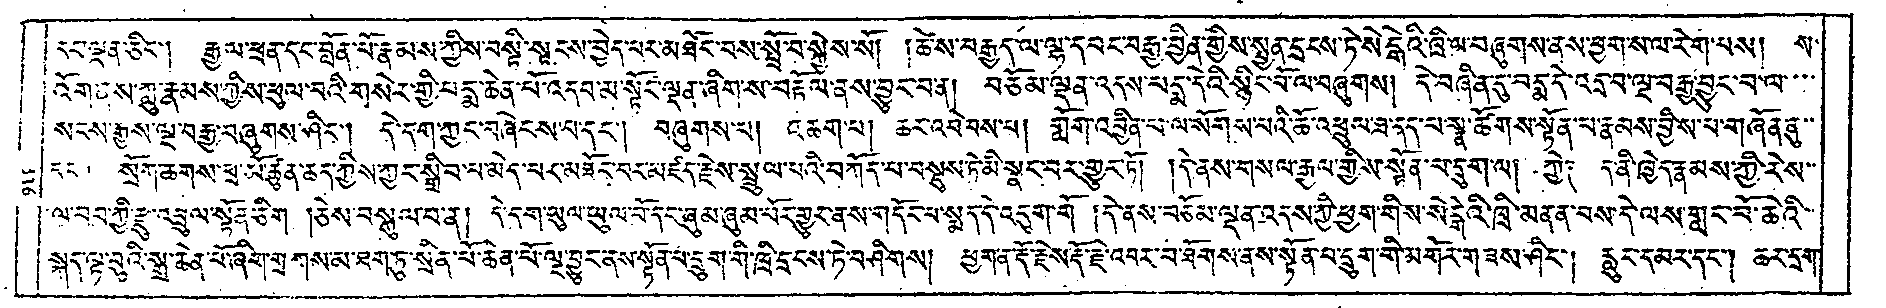དང་ལྡན་ཅིང་། རྒྱལ་ཕྲན་དང་བློན་པོ་རྣམས་ཀྱིས་བསྟི་སྟངས་བྱེད་པར་མཐོང་བས་སྤྲོ་བ་སྐྱེས་སོ། །ཚེས་བརྒྱད་ལ་ལྷ་དབང་བརྒྱ་བྱིན་གྱིས་སྤྱན་དྲངས་ཏེ་སེངྒེའི་ཁྲི་ལ་བཞུགས་ནས་ཕྱག་ས་ལ་རེག་པས། ས་
འོག་ནས་ཀླུ་རྣམས་ཀྱིས་ཕུལ་བའི་གསེར་གྱི་པདམ་ཆེན་པོ་འདབ་མ་སྟོང་ལྡན་ཞིག་ས་བརྟོལ་ནས་བྱུང་བ་ན། བཅོམ་ལྡན་འདས་པདམ་དེའི་སྙིང་པོ་ལ་བཞུགས། དེ་བཞིན་དུ་པདམ་དེ་འདྲ་བ་ལྔ་བརྒྱ་བྱུང་བ་ལ་
སངས་རྒྱས་ལྔ་བརྒྱ་བཞུགས་ཤིང་། དེ་དག་ཀྱང་བཞེངས་པ་དང་། བཞུགས་པ། འཆག་པ། ཆར་འབེབས་པ། གློག་འབྱིན་པ་ལ་སོགས་པའི་ཆོ་འཕྲུལ་ཐ་དད་པ་སྣ་ཚོགས་སྟོན་པ་རྣམས་བྱིས་པ་གཞོན་ནུ་
དང་། སྲོག་ཆགས་ཕྲ་མོ་ཚུན་ཆད་ཀྱིས་ཀྱང་སྒྲིབ་པ་མེད་པར་མཐོང་བར་མཛད་རྗེས་སྤྲུལ་པའི་བཀོད་པ་བསྡུས་ཏེ་མི་སྣང་བར་གྱུར་ཏོ། །དེ་ནས་གསལ་རྒྱལ་གྱིས་སྟོན་པ་དྲུག་ལ། ཀྱེ༑ ད་ནི་ཁྱེད་རྣམས་ཀྱི་རེས་
ལ་བབ་ཀྱི་རྫུ་འཕྲུལ་སྟོན་ཅིག །ཅེས་བསྐུལ་བ་ན། དེ་དག་ཡུལ་ཡུལ་པོ་དང་ཞུམ་ཞུམ་པོར་གྱུར་ནས་གདོང་པ་སྨད་དེ་འདུག་གོ །དེ་ནས་བཅོམ་ལྡན་འདས་ཀྱི་ཕྱག་གིས་སེངྒེའི་ཁྲི་མནན་བས་དེ་ལས་གླང་པོ་ཆེའི་
སྐད་ལྟ་བུའི་སྒྲ་ཆེན་པོ་ཞིག་གྲགས་མ་ཐག་ཏུ་སྲིན་པོ་ཆེན་པོ་ལྔ་བྱུང་ནས་སྟོན་པ་དྲུག་གི་ཁྲི་དྲངས་ཏེ་བཤིགས། ཕྱག་ན་རྡོ་རྗེས་རྡོ་རྗེ་འབར་བ་ཐོགས་ནས་སྟོན་པ་དྲུག་གི་མགོར་གཟས་ཤིང་། རླུང་དམར་དང་། ཆར་དྲག་